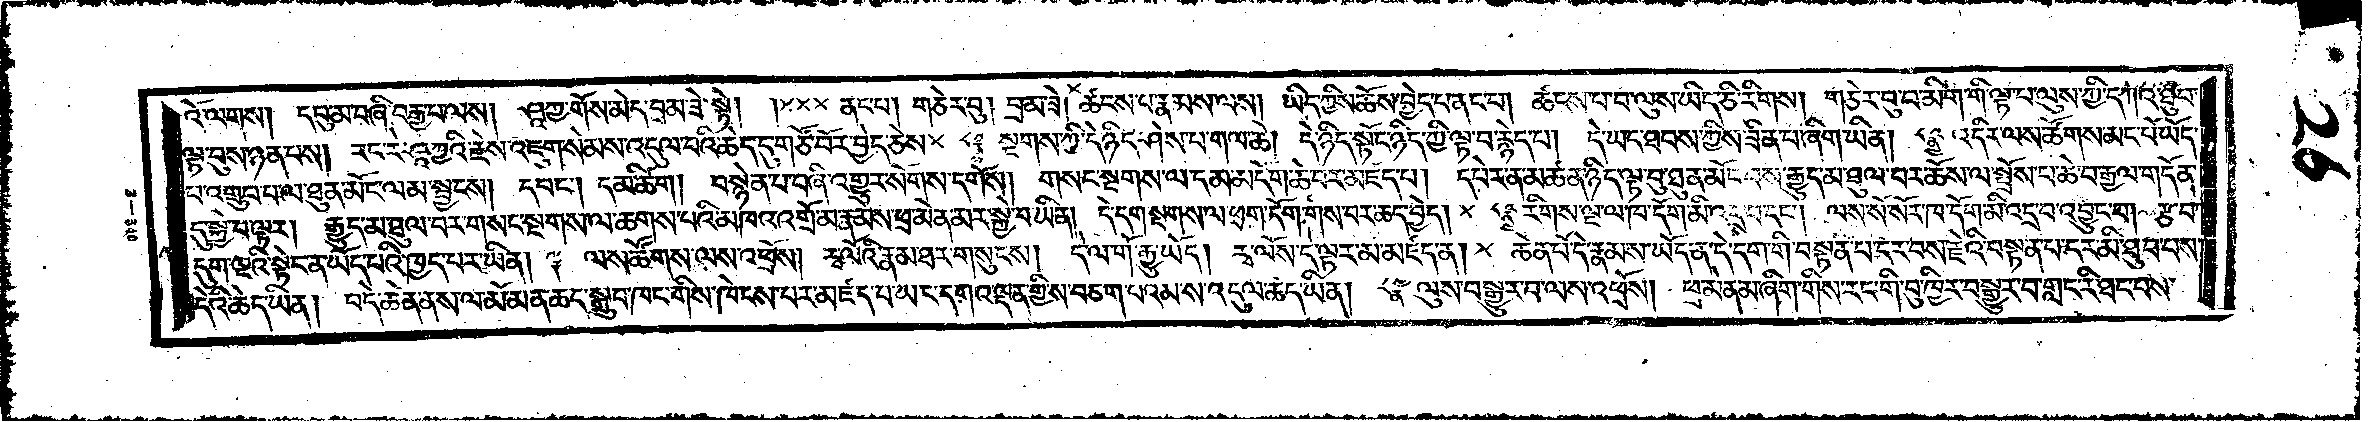འོ་ལགས། དབུ་མ་བཞི་བརྒྱ་པ་ལས། ཤཱཀྱ་གོས་མེད་བྲམ་ཟེ་སྟེ། །྾྾྾ནང་པ། གཅེར་བུ། བྲམ་ཟེ།྾་ཚངས་པ་རྣམས་ལས། ཡིད་ཀྱིས་ཆོས་བྱེད་པ་ནང་པ། ཚངས་པ་བ་ལུས་ཡིད་ཅི་རིགས། གཅེར་བུ་བ་མིག་གི་ལྟ་བ་ལུས་ཀྱི་དཀའ་ཐུབ་
ལྟ་བུས་ཉན་པས། རང་རེ་ཤཱཀྱའི་རྗེས་འཇུག་སེམས་འདུལ་བའི་ཆེད་དུ་གཙོ་བོར་བྱེད་ཅེས྾ ༨༡ན༣་སྔགས་ཀྱི་དེ་ཉིད་ཤེས་པ་གལ་ཆེ། དེ་ཉིད་སྟོང་ཉིད་ཀྱི་ལྟ་བ་རྙེད་པ། དེ་ཡང་ཐབས་ཀྱིས་ཟིན་པ་ཞིག་ཡིན། ༨༢ན༤་འདིར་ལས་ཚོག་མང་པོ་ཡོད་
པ་འགྲུབ་པ་ལ་ཐུན་མོང་ལམ་སྦྱངས། དབང་། དམ་ཚིག། བསྙེན་པ་བཞི་འགྱུར་སོགས་དགོས། གསང་སྔགས་ལ་དམ་མདོག་ཆེ་བར་མཛད་པ། དཔེར་ན་མཚན་ཉིད་ལྟ་བུ་ཐུན་མོང་པས་རྒྱུད་མ་ཐུལ་བར་ཆོས་ལ་སྤྲོས་པ་ཆེ་བ་རྒྱལ་གདོན་
དུ་སྐྱེ་བ་ལྟར། རྒྱུད་མ་ཐུལ་བར་གསང་སྔགས་ལ་ཆགས་པའི་མཁའ་འགྲོ་མ་རྣམས་ཕྲ་མེན་མར་སྐྱེ་བ་ཡིན། དེ་དག་སྔགས་ལ་ཕྲག་དོག་གིས་བར་ཆད་བྱེད། ྾ ༨༢ན༤་རིགས་ལྔ་ལ་ཁ་དོག་མི་འདྲ་བ་དང་། ལས་སོ་སོར་ཁ་དོག་མི་འདྲ་བ་འབྱུང་བ། རྩ་བ་
དུག་ལྔའི་སྟེང་ན་ཡོད་པའི་ཁྱད་པར་ཡིན།༈ ལས་ཚོགས་ལས་འཕྲོས། རྭ་ལོའི་རྣམ་ཐར་གསུངས། དེ་ལ་གོ་རྒྱུ་ཡོད། རྭ་ལོས་དེ་ལྟར་མ་མཛད་ན།྾་ཆེན་པོ་དེ་རྣམས་ཡོད་ན་དེ་དག་གི་བསྟན་པ་དར་བས་རྗེའི་བསྟན་པ་དར་མི་ཐུབ་པས་
དེའི་ཆེད་ཡིན། བདེ་ཆེན་ནས་ལ་མོ་མན་ཆད་སྒྲུབ་ཁང་གིས་ཁེངས་པར་མཛད་པ་ཡང་དགའ་ལྡན་གྱིས་བཅག་པའམ་ས་འདུལ་ཆེད་ཡིན། ༨༤ན་ལུས་བསྒྱུར་བ་ལས་འཕྲོས། ཕྲ་མེན་མ་ཞིག་གིས་རང་གི་བུ་ཁྱིར་བསྒྱུར་བ་གླང་རི་ཐང་བས་